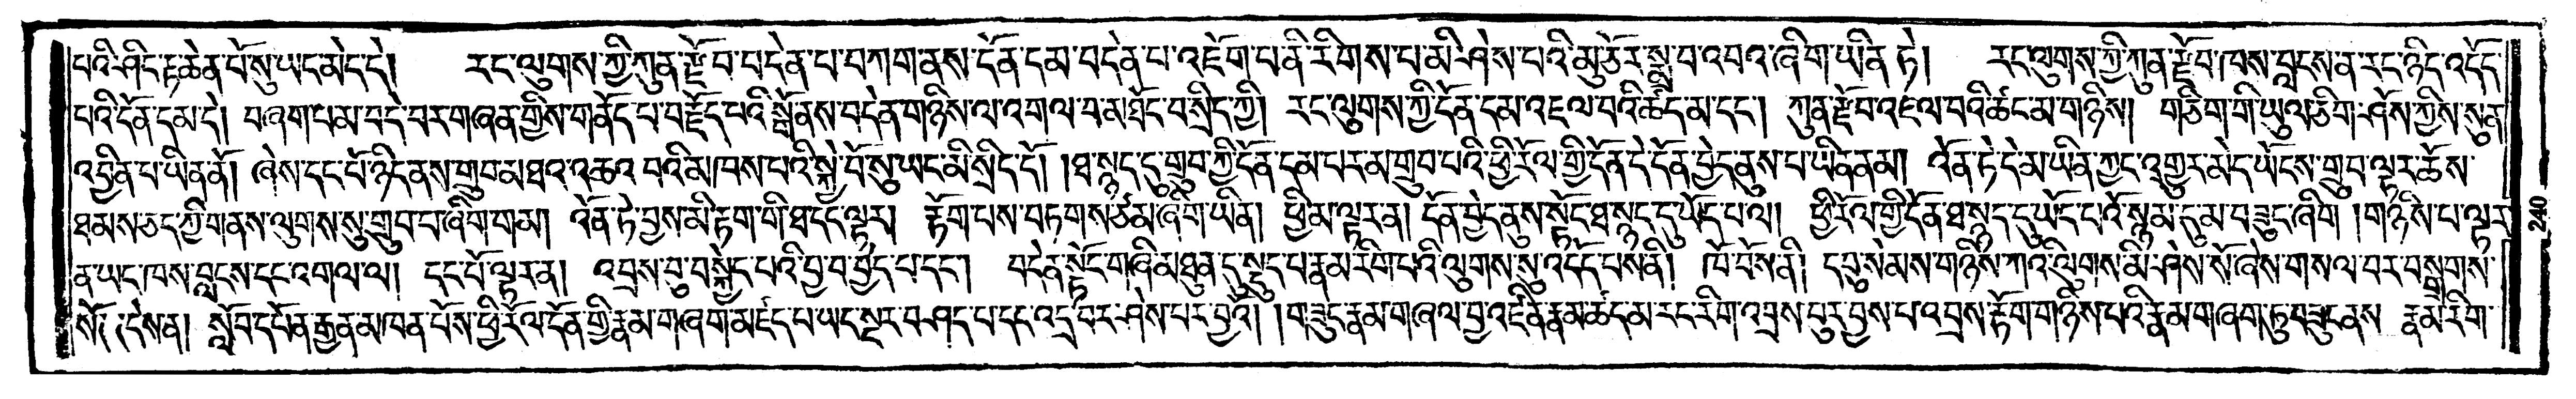པའི་ཤིང་རྟ་ཆེན་པོ་སུ་ཡང་མེད་དེ། རང་ལུགས་ཀྱི་ཀུན་རྫོབ་བདེན་པ་བཀག་ནས་དོན་དམ་བདེན་པ་འཇོག་པ་ནི་རིགས་པ་མི་ཤེས་པའི་མུ་ཅོར་སྨྲ་བ་འབའ་ཞིག་ཡིན་ཏེ། རང་ལུགས་ཀྱི་ཀུན་རྫོབ་ཁས་བླངས་ན་རང་ཉིད་འདོད་
པའི་དོན་དམ་དེ། བཞག་པ་མ་བདེ་བར་གཞན་གྱིས་གནོད་པ་བརྗོད་པའི་སྒོ་ནས་བདེན་གཉིས་ལ་འགལ་བ་མཐོང་བ་སྲིད་ཀྱི། རང་ལུགས་ཀྱི་དོན་དམ་འཇལ་བའི་ཚད་མ་དང་། ཀུན་རྫོབ་འཇལ་བའི་ཚད་མ་གཉིས། གཅིག་གི་ཡུལ་ཅིག་ཤོས་ཀྱིས་སུན་
འབྱིན་པ་ཡིན་ནོ། ཞེས་དང་པོ་ཉིད་ནས་གྲུབ་མཐའ་འཆའ་བའི་མཁས་པའི་སྐྱེ་བོ་སུ་ཡང་མི་སྲིད་དོ། །ཐ་སྙད་དུ་གྲུབ་ཀྱི་དོན་དམ་པར་མ་གྲུབ་པའི་ཕྱི་རོལ་གྱི་དོན་དེ་དོན་བྱེད་ནུས་པ་ཡིན་ནམ། འོན་ཏེ་དེ་མ་ཡིན་ཀྱང་འགྱུར་མེད་ཡོངས་གྲུབ་ལྟར་ཆོས་
ཐམས་ཅད་ཀྱི་གནས་ལུགས་སུ་གྲུབ་པ་ཞིག་གམ། འོན་ཏེ་བྱས་མི་རྟག་གི་ཐ་དད་ལྟར། རྟོག་པས་བཏགས་ཙམ་ཞིག་ཡིན། ཕྱི་མ་ལྟར་ན། དོན་བྱེད་ནུས་སྟོང་ཐ་སྙད་དུ་ཡོད་པ་ལ། ཕྱི་རོལ་གྱི་དོན་ཐ་སྙད་དུ་ཡོད་པའོ་སྙམ་དུ་མ་བཟུང་ཞིག །གཉིས་པ་ལྟར་
ན་ཡང་ཁས་བླངས་དང་འགལ་ལ། དང་པོ་ལྟར་ན། འབྲས་བུ་བསྐྱེད་པའི་བྱ་བ་བྱེད་པ་དང་། བདེན་སྟོང་གཞི་མཐུན་དུ་སྡུད་པ་རྣམ་རིག་པའི་ལུགས་སུ་འདོད་པས་ནི། ཁོ་བོས་ནི། དབུ་སེམས་གཉིས་ཀའི་ལུགས་མི་ཤེས་སོ་ཞེས་གསལ་བར་བསྒྲགས་
སོ། །དེས་ན། སློབ་དཔོན་རྒྱན་མཁན་པོས་ཕྱི་རོལ་དོན་གྱི་རྣམ་གཞག་མཛད་པ་ཡང་སྔར་བཤད་པ་དང་འདྲ་བར་ཤེས་པར་བྱའོ། །གཟུང་རྣམ་གཞལ་བྱ་འཛིན་རྣམ་ཚད་མ་རང་རིག་འབྲས་བུར་བྱས་པ་འབྲས་རྟོག་གཉིས་པའི་རྣམ་གཞག་ཏུ་བཟུང་ནས། རྣམ་རིག་